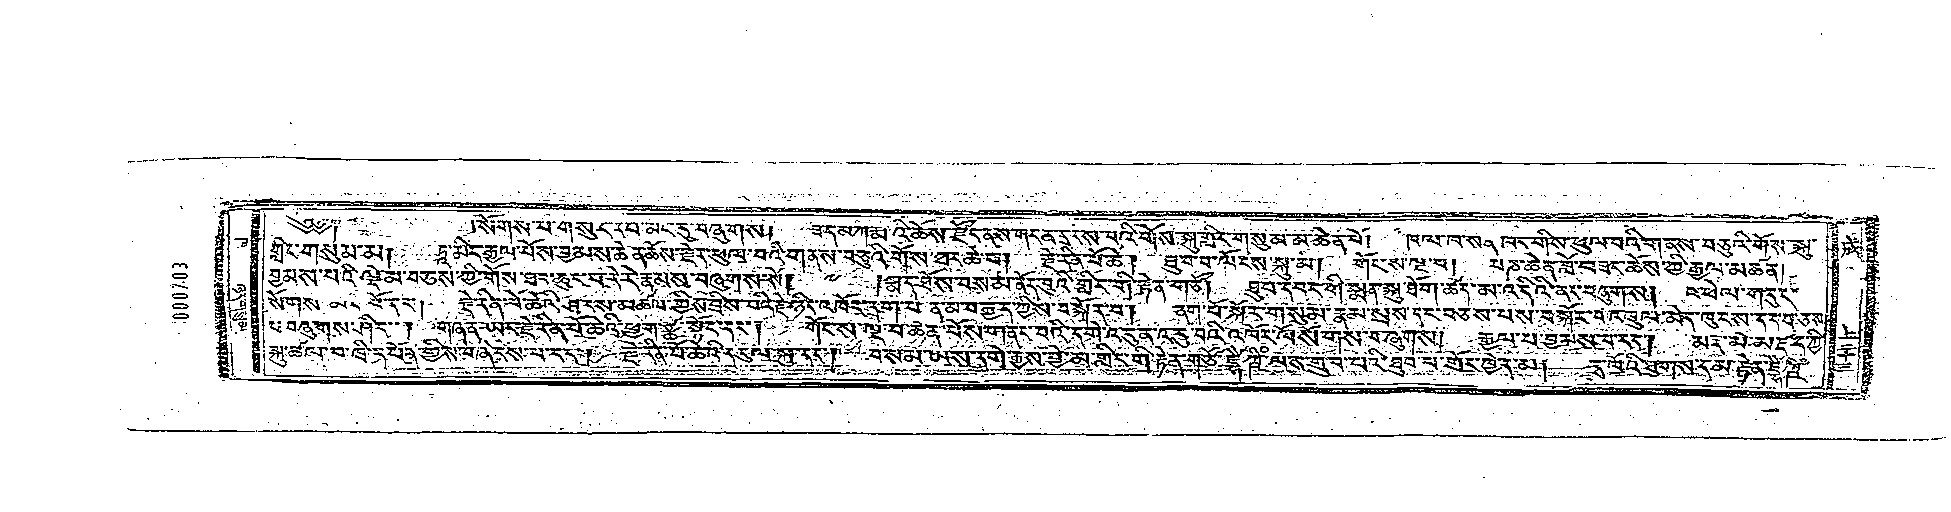༄༅། །སོགས་པ་གསུང་རབ་མང་དུ་བཞུགས། ཟ་དམ་ཀརྨའི་ཆོས་རྫོད་ནས་གདན་དྲངས་པའི་གོས་སྐུ་གླིང་གསུམ་མ་ཆེན་པོ། ཁལ་ཁ་སན་ཁང་གིས་ཕུལ་བའི་གནས་བཅུའི་གོས་སྐུ་
གླིང་གསུམ་མ། ཏཱ་མིང་རྒྱལ་པོས་བྱམས་ཆེན་ཆོས་རྗེར་ཕུལ་བའི་གནས་བཅུའི་གོས་ཐང་ཆེ་བ། རྗེ་རིན་པོ་ཆེ། ཐུབ་པ་ལོངས་སྐུ་མ། གོང་ས་ལྔ་པ། པཎ་ཆེན་བློ་བཟང་ཆོས་ཀྱི་རྒྱལ་མཚན།
བྱམས་པའི་ལྡེམ་བཅས་ཀྱི་གོས་ཐར་ཆུང་བ་རེ་རེ་རྣམས་བཞུགས་སོ། ༧་།སྨད་ཐོས་བསམ་ནོར་བུའི་གླིང་གི་རྟེན་གཙོ། ཐུབ་དབང་གི་སྨན་སྐུ་ཐོག་ཚད་མ་འདིའི་ནང་བཞུགས། འཕེལ་གདུང་
སོགས་མང་པོ་དང་། རྗེ་རིན་པོ་ཆེའི་ཤངས་མཚལ་གྱིས་བྲིས་པའི་རྗེ་ཉིད་འཁོར་དག་པ་ནམ་བརྒྱད་ཀྱིས་བསྐོར་བ། ནག་པོ་སྐོར་གསུམ་རྣམ་སྲས་དང་བཅས་པས་བསྐོར་བ་འཁྲུལ་མེད་ཁུངས་དང་བཅས་
པ་བཞུགས་ཤིང་། གཞན་ཡང་རྗེ་རིན་པོ་ཆེའི་ཕྱག་ཙྪ་སྟོང་དང་། གོང་ས་ལྔ་བ་ཆེན་པོས་གནང་བའི་དགེ་འདུན་འདུ་བའི་འཁོར་ལོ་སོགས་བཞུགས། རྒྱལ་པ་བྱམས་པ་དང་། མར་མེ་མཛད་ཀྱི་
སྐུ་ཚལ་བ་ཁྲི་དཔོན་གྱིས་བཞེངས་པ་དང་། རྗེ་རིན་པོ་ཆེའི་དངུལ་སྐུ་དང་། བསམ་ཡས་དགེ་རྒྱས་བྱེ་མ་གླིང་གི་རྟེན་གཙོ་ཛྷཻ་ཀྵིཾ་ལས་གྲུབ་པའི་ཐུབ་པ་གྲོང་ཁྱེར་མ། རྭ་ལོའི་ཐུགས་དམ་རྟེན་ཛྷེཨོཀྵིཾ་